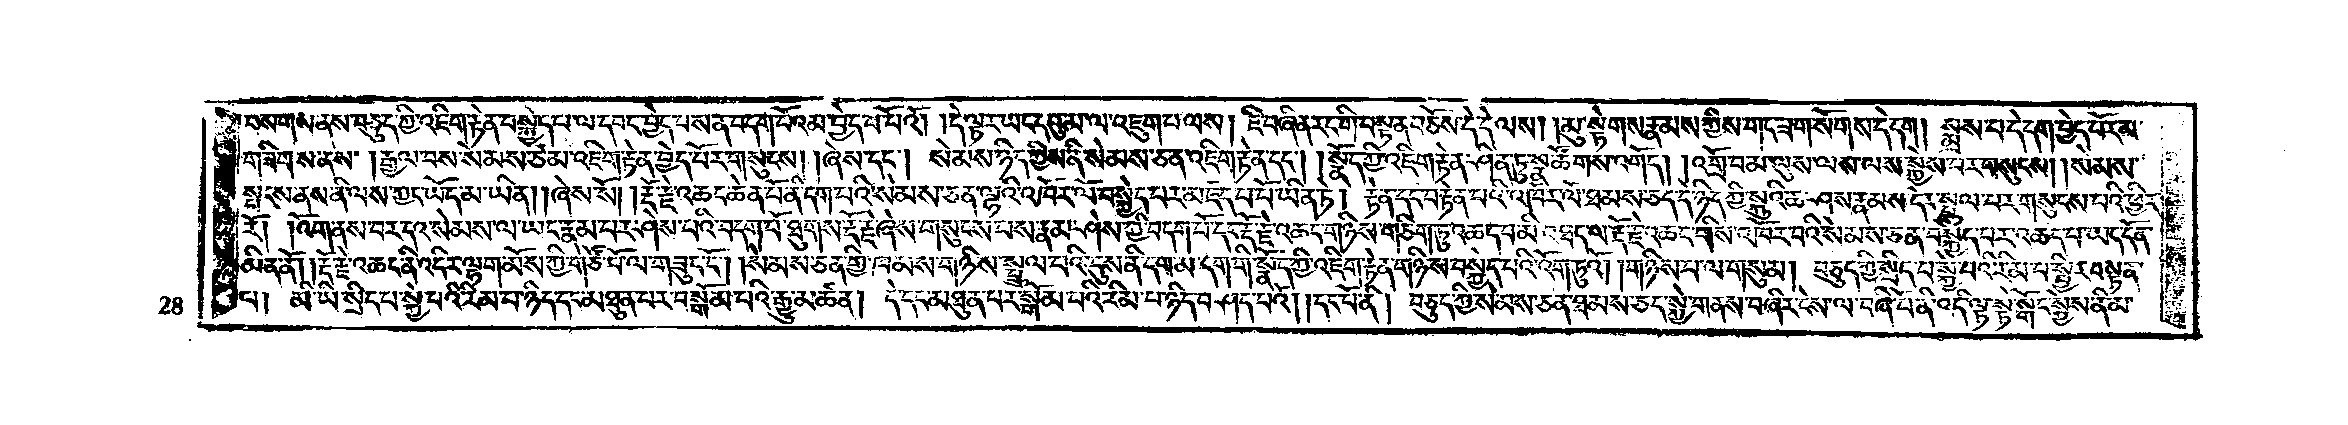བསགས་ནས་བཅུད་ཀྱི་འཇིག་རྟེན་བསྐྱེད་པ་ལ་དབང་བྱེད་པས་ན་བདག་པོའམ་བྱེད་པ་པོའོ། །དེ་ལྟར་ཡང་དབུ་མ་ལ་འཇུག་པ་ལས། ཇི་བཞིན་རང་གི་བསྟན་བཅོས་དེ་དེ་ལས། །མུ་སྟེགས་རྣམས་ཀྱིས་གང་ཟག་སོགས་དེ་དག །སྨྲས་པ་དེ་དག་བྱེད་པོར་མ་
གཟིགས་ནས། རྒྱལ་བས་སེམས་ཙམ་འཇིག་རྟེན་བྱེད་པོར་གསུངས། །ཞེས་དང་། སེམས་ཉིད་ཀྱིས་ནི་སེམས་ཅན་འཇིག་རྟེན་དང་། །སྣོད་ཀྱི་འཇིག་རྟེན་ཤིན་ཏུ་སྣ་ཚོགས་འགོད། །འགྲོ་བ་མ་ལུས་ལས་ལས་སྐྱེས་པར་གསུངས། །སེམས་
སྤངས་ནས་ནི་ལས་ཀྱང་ཡོད་མ་ཡིན། །ཞེས་སོ། །རྡོ་རྗེ་འཆང་ཆེན་པོ་ནི་དག་པའི་སེམས་ཅན་ལྷའི་འཁོར་ལོ་བསྐྱེད་པར་མཛད་པ་པོ་ཡིན་ཏེ། རྟེན་དང་བརྟེན་པའི་འཁོར་ལོ་ཐམས་ཅད་དེ་ཉིད་ཀྱི་སྐུའི་ཆ་ཤས་རྣམས་དེར་སྤྲུལ་པར་གསུངས་པའི་ཕྱིར་
རོ། །འོག་ནས་བར་དའི་སེམས་ལ་ཡང་རྣམ་པར་ཤེས་པའི་བདག་པོ་ཐུགས་རྡོ་རྗེ་ཞེས་གསུངས་པས་རྣམ་ཤེས་ཀྱི་བདག་པོ་དང་རྡོ་རྗེ་འཆང་གཉིས་གཅིག་ཏུ་འཆད་པ་མི་འཐད་ལ་རྡོ་རྗེ་འཆང་གིས་འཁོར་བའི་སེམས་ཅན་བསྐྱེད་པར་འཆད་པ་ཡང་དོན་
མིན་ནོ། །རྡོ་རྗེ་འཆང་ནི་འདིར་ལྷག་མོས་ཀྱི་གཙོ་བོ་ལ་གཟུང་ངོ། །སེམས་ཅན་གྱི་ཁམས་གཉིས་སྤྲུལ་པའི་དུས་ནི་དག་མ་དག་གི་སྣོད་ཀྱི་འཇིག་རྟེན་གཉིས་བསྐྱེད་པའི་འོག་ཏུའོ། །གཉིས་པ་ལ་གསུམ། བཅུད་ཀྱི་སྲིད་པ་སྐྱེ་པའི་རིམ་པ་སྤྱིར་བསྟན་
པ། མི་ཡི་སྲིད་པ་སྐྱེ་པའི་རིམ་པ་ཉིད་དང་མཐུན་པར་བསྒོམ་པའི་རྒྱུ་མཚན། དེ་དང་མཐུན་པར་སྒོམ་པའི་རིམ་པ་ཉིད་བཤད་པའོ། །དང་པོ་ནི། བཅུད་ཀྱི་སེམས་ཅན་ཐམས་ཅད་སྐྱེ་གནས་བཞིར་ངེས་ལ་བཞི་པོ་ནི་འདི་ལྟ་སྟེ་སྒོང་སྐྱེས་ནི་མ་